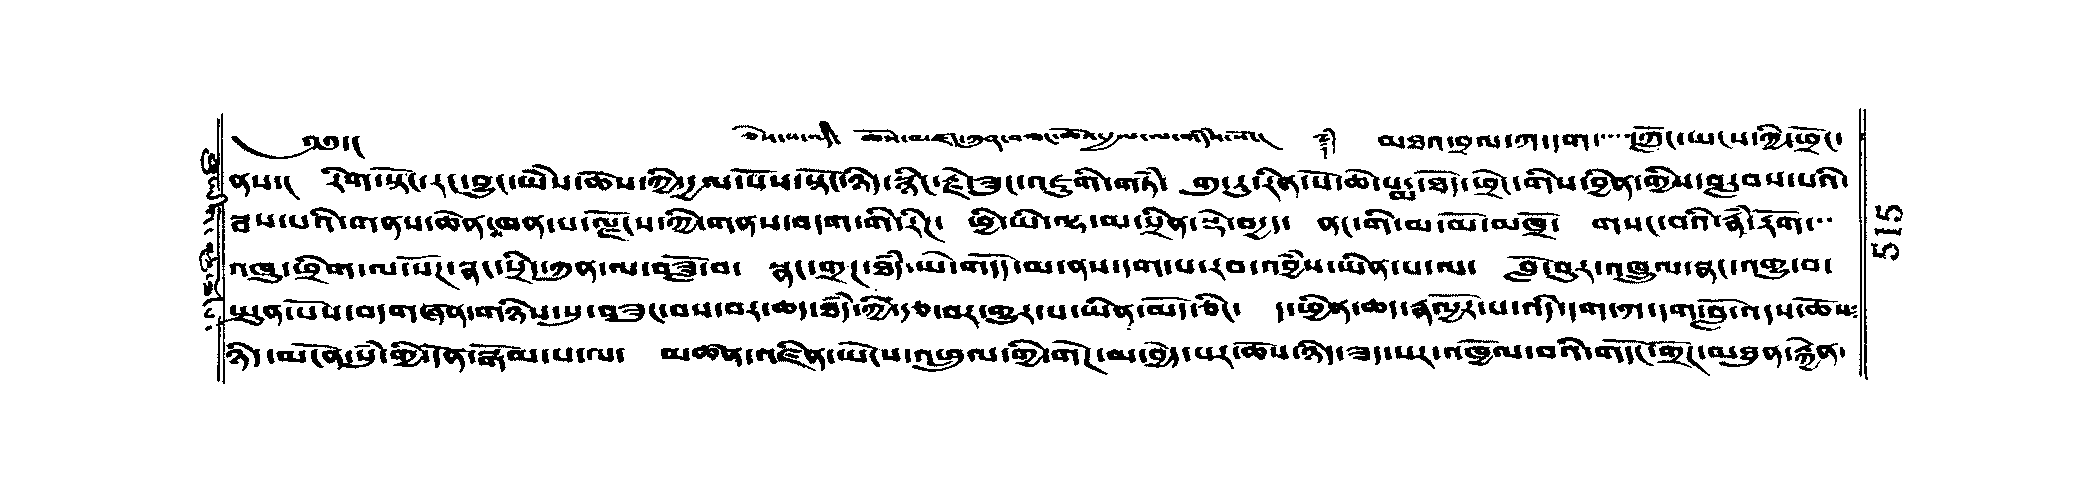ཅེས་པ་འདི་ཆོས་མཛད་ཀུན་བཟང་ཆོས་རྒྱལ་ལ་གདམས་སོ།། ༈ མཐའ་བྲལ་ཀ་དག་ཀློང་ཡངས་ཀྱི་ཕོ་བྲང་
ནས། །རིག་སྟོང་རང་བྱུང་ཡེ་ཤེས་ཆོས་ཀྱི་རྒྱལ་པོས། སྟོང་ཉིད་སྙིང་རྗེ་ཟུང་འཇུག་གི་གཏམ། གུ་རུ་རིན་པོ་ཆེ་པདྨ་ཐོད་ཕྲེང་གིས་བྱིན་གྱིས་བརླབས་པའི་
སྦས་པའི་གནས་ཆེན་མཁན་པ་ལྗོངས་ཀྱི་གནས་བདག་གི་རིགས། ཕྱི་ཡི་ལྷ་མ་སྲིན་སྡེ་བརྒྱད། ནང་གི་མ་མོ་མཁའ་འགྲོ། གསང་བའི་རྣམ་རྟོག་
འཁུ་ཕྲིག་ལ་སོགས་སྣང་སྲིད་ཀུན་ལ་བཟློ་བ། སྣང་གྲགས་ཐམས་ཅད་ཡེ་གདོད་མ་ནས་དག་པ་རབ་འབྱམས་ཡིན་པ་ལ། བློ་བུར་འཁྲུལ་སྣང་འགྱུ་བ་
སྤུན་པོས་བདག་གཞན་གཉིས་སུ་བཟུང་བས་བར་ཆད་ཐམས་ཅད་ཀྱི་རྩ་བར་གྱུར་པ་ཡིན་མོད་ཅིང་། ད་ཕྱིན་ཆད་རྣལ་འབྱོར་པ་འདི་དག་ཀ་དག་བློ་འདས་ཆོས་
ཉིད་མངོན་སུམ་གྱི་དོན་སྒོམ་པ་ལ། མཚན་འཛིན་ཡེངས་འཁྲུལ་གྱི་གེགས་མ་བྱེད་པར་ཆོས་ཉིད་ཟད་སར་འཁྱོལ་བའི་གདོང་གྲོགས་མཐུན་རྐྱེན་